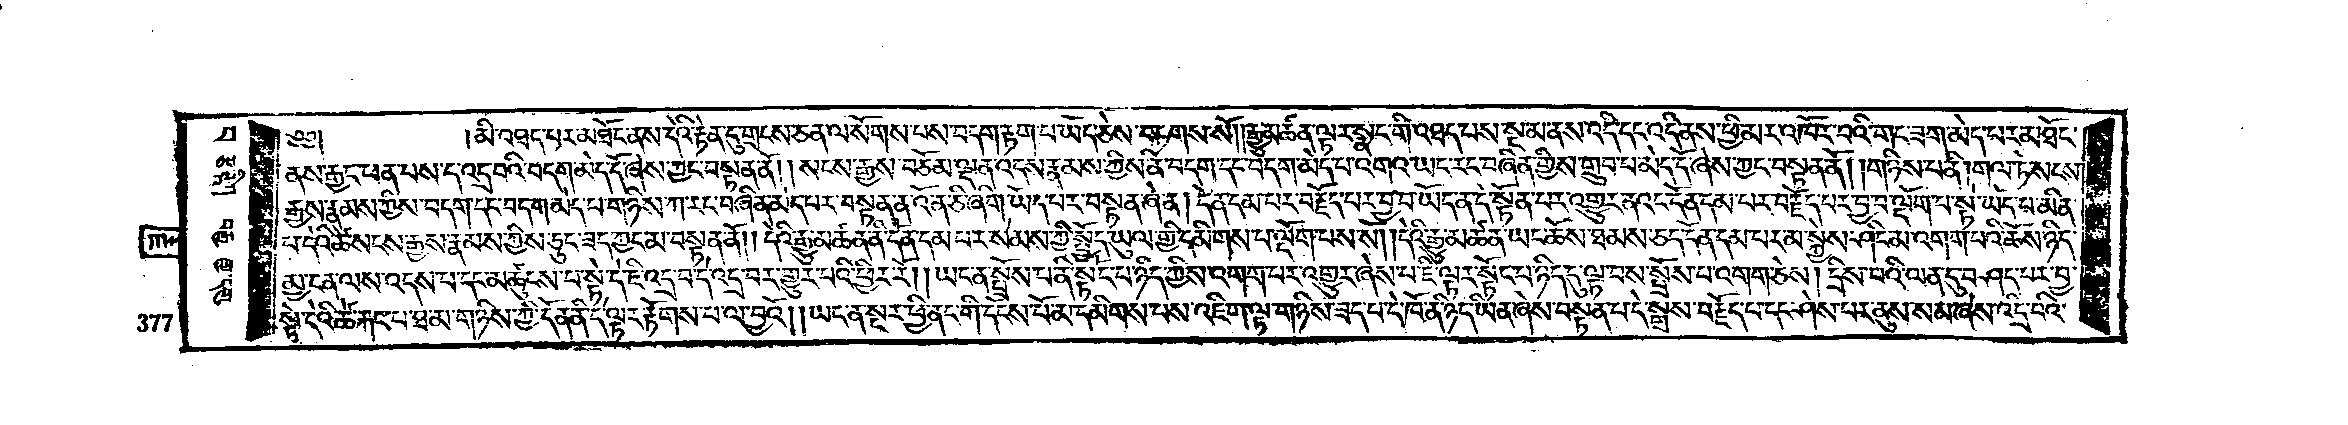༄༅། །མི་འཐད་པར་མཐོང་ནས་དེའི་རྟེན་དུ་གྲངས་ཅན་ལ་སོགས་པས་བདག་རྟག་པ་ཡོད་ཅེས་བཏགས་སོ། །རྒྱུ་མཚན་ལྟར་སྣང་གི་འཐད་པས་སྔ་མ་ནས་འདི་དང་འདི་ནས་ཕྱི་མར་འཁོར་བའི་གང་ཟག་མེད་པར་མཐོང་
ནས་རྒྱང་ཕན་པས་ད་འདྲ་བའི་བདག་མེད་དོ་ཞེས་ཀྱང་བསྟན་ནོ། །སངས་རྒྱས་བཅོམ་ལྡན་འདས་རྣམས་ཀྱིས་ནི་བདག་དང་བདག་མེད་པ་འགའ་ཡང་རང་བཞིན་གྱིས་གྲུབ་པ་མེད་དོ་ཞེས་ཀྱང་བསྟན་ནོ། །གཉིས་པ་ནི། གལ་ཏེ་སངས་
རྒྱས་རྣམས་ཀྱིས་བདག་དང་བདག་མེད་པ་གཉིས་ཀ་རང་བཞིན་མེད་པར་བསྟན་ན་འོ་ན་ཅི་ཞིག་ཡོད་པར་བསྟན་ཞེ་ན། དོན་དམ་པར་བརྗོད་པར་བྱ་བ་ཡོད་ན་དེ་སྟོན་པར་འགྱུར་ནའང་དོན་དམ་པར་བརྗོད་པར་བྱ་བ་ལྡོག་པ་སྟེ་ཡོད་པ་མིན་
པ་དེའི་ཚེ་སངས་རྒྱས་རྣམས་ཀྱིས་ཅུང་ཟད་ཀྱང་མ་བསྟན་ནོ། །དེའི་རྒྱུ་མཚན་ནི་དོན་དམ་པར་སེམས་ཀྱི་སྤྱོད་ཡུལ་གྱི་དམིགས་པ་ལྡོག་པས་སོ། །དེའི་རྒྱུ་མཚན་ཡང་ཆོས་ཐམས་ཅད་དོན་དམ་པར་མ་སྐྱེས་ཤིང་མ་འགག་པའི་ཆོས་ཉིད་
མྱ་ངན་ལས་འདས་པ་དང་མཚུངས་པ་སྟེ་དེ་ཇི་འདྲ་བ་དེ་འདྲ་བར་གྱུར་པའི་ཕྱིར་རོ། །ཡང་ན་སྤྲོས་པ་ནི་སྟོང་པ་ཉིད་ཀྱིས་འགག་པར་འགྱུར་ཞེས་པ་ཇི་ལྟར་སྟོང་པ་ཉིད་དུ་ལྟ་བས་སྤྲོས་པ་འགག་ཅེས། དྲིས་པའི་ལན་དུ་བཤད་པར་བྱ་
སྟེ་དེའི་ཚེ་རྐང་པ་ཐ་མ་གཉིས་ཀྱི་དོན་ནི་དེ་ལྟར་རྟོགས་པ་ལ་བྱའོ། །ཡང་ན་སྔར་ཕྱི་ནང་གི་དངོས་པོ་མ་དམིགས་པས་འཇིག་ལྟ་གཉིས་ཟད་པ་དེ་ཁོ་ན་ཉིད་ཡིན་ཞེས་བསྟན་པ་དེ་སྒྲས་བརྗོད་པ་དང་ཤེས་པར་ནུས་སམ་ཞེས་འདྲི་བའི་